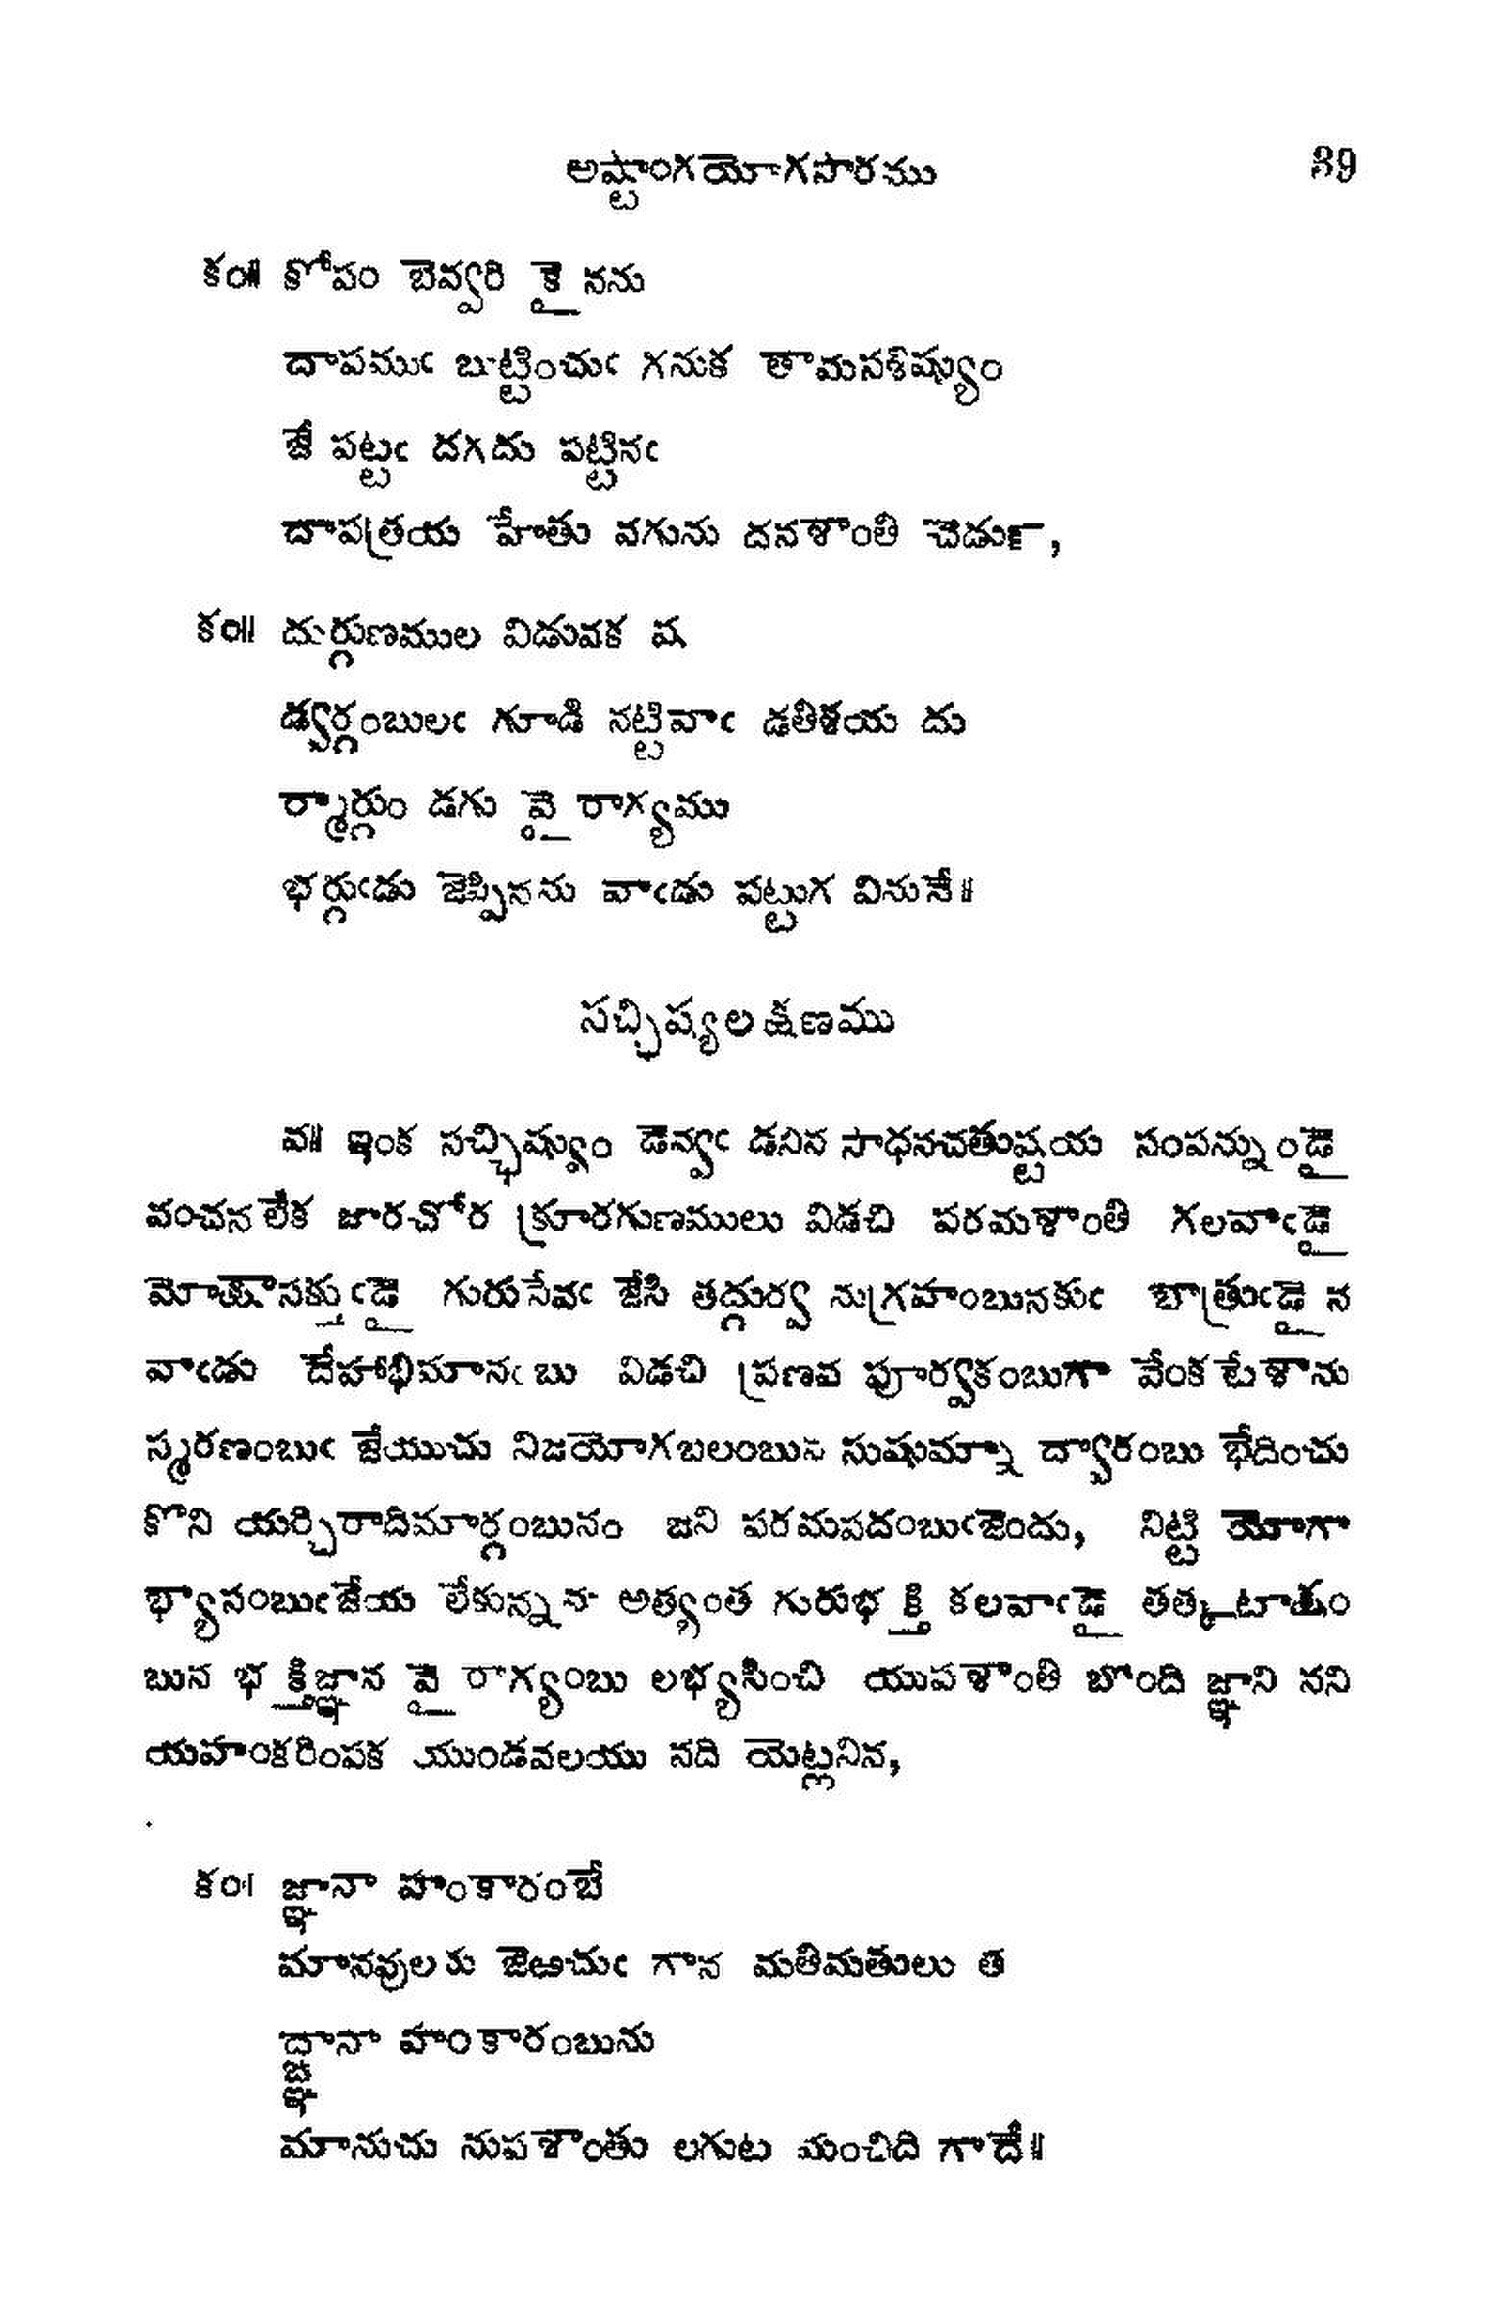క. కోపం బెవ్వరి కైనను
 దాపముఁ బుట్టించుఁ గనుక తామసశిష్యుం
 జేపట్టఁ దగదు పట్టినఁ
 దాపత్రయహేతు వగును దనశాంతి చెడున్.
క. దుర్గుణముల విడువక ష
 డ్వర్గంబులఁ గూడినట్టివాఁ డతిశయదు
 ర్మార్గుం డగు వైరాగ్యము
 భర్గుడు జెప్పినను వాఁడు పట్టుగ వినునే.

వ. ఇంక సచ్ఛిష్యుం డెవ్వఁ డనిన సాధనచతుష్టయసంపన్నుండై వంచన లేక జారచోరక్రూరగుణములు విడచి పరమశాంతి గలవాఁడై మోక్షాసక్తుఁడై గురుసేవఁ జేసి తద్గుర్వనుగ్రహంబునకుఁ బాత్రుండైనవాఁడు దేహాభిమానంబు విడచి ప్రణవపూర్వకంబుగా వేంకటేశానుస్మరణంబుఁ జేయుచు నిజయోగబలంబున సుషుమ్నాద్వారంబు భేదించుకొని యర్చిరాదిమార్గంబునం జని పరమపదంబుఁ జెందు, నిట్టి యోగాభ్యాసంబుఁ జేయలేకున్నను అత్యంతగురుభ క్తి కలవాఁడై తత్కటాక్షంబున భ క్తిజ్ఞానవైరాగ్యంబు లభ్యసించి యుపశాంతి బొంది జ్ఞాని నని యహంకరింపక యుండవలయు నది యెట్లనిన,
క. జ్ఞానాహంకారంబే
 మానవులను జెఱచుఁ గాన మతిమతులు త
 ద్జ్ఞానాహంకారంబును
 మానుచు నుపశాంతు లగుట మంచిది గాదే.